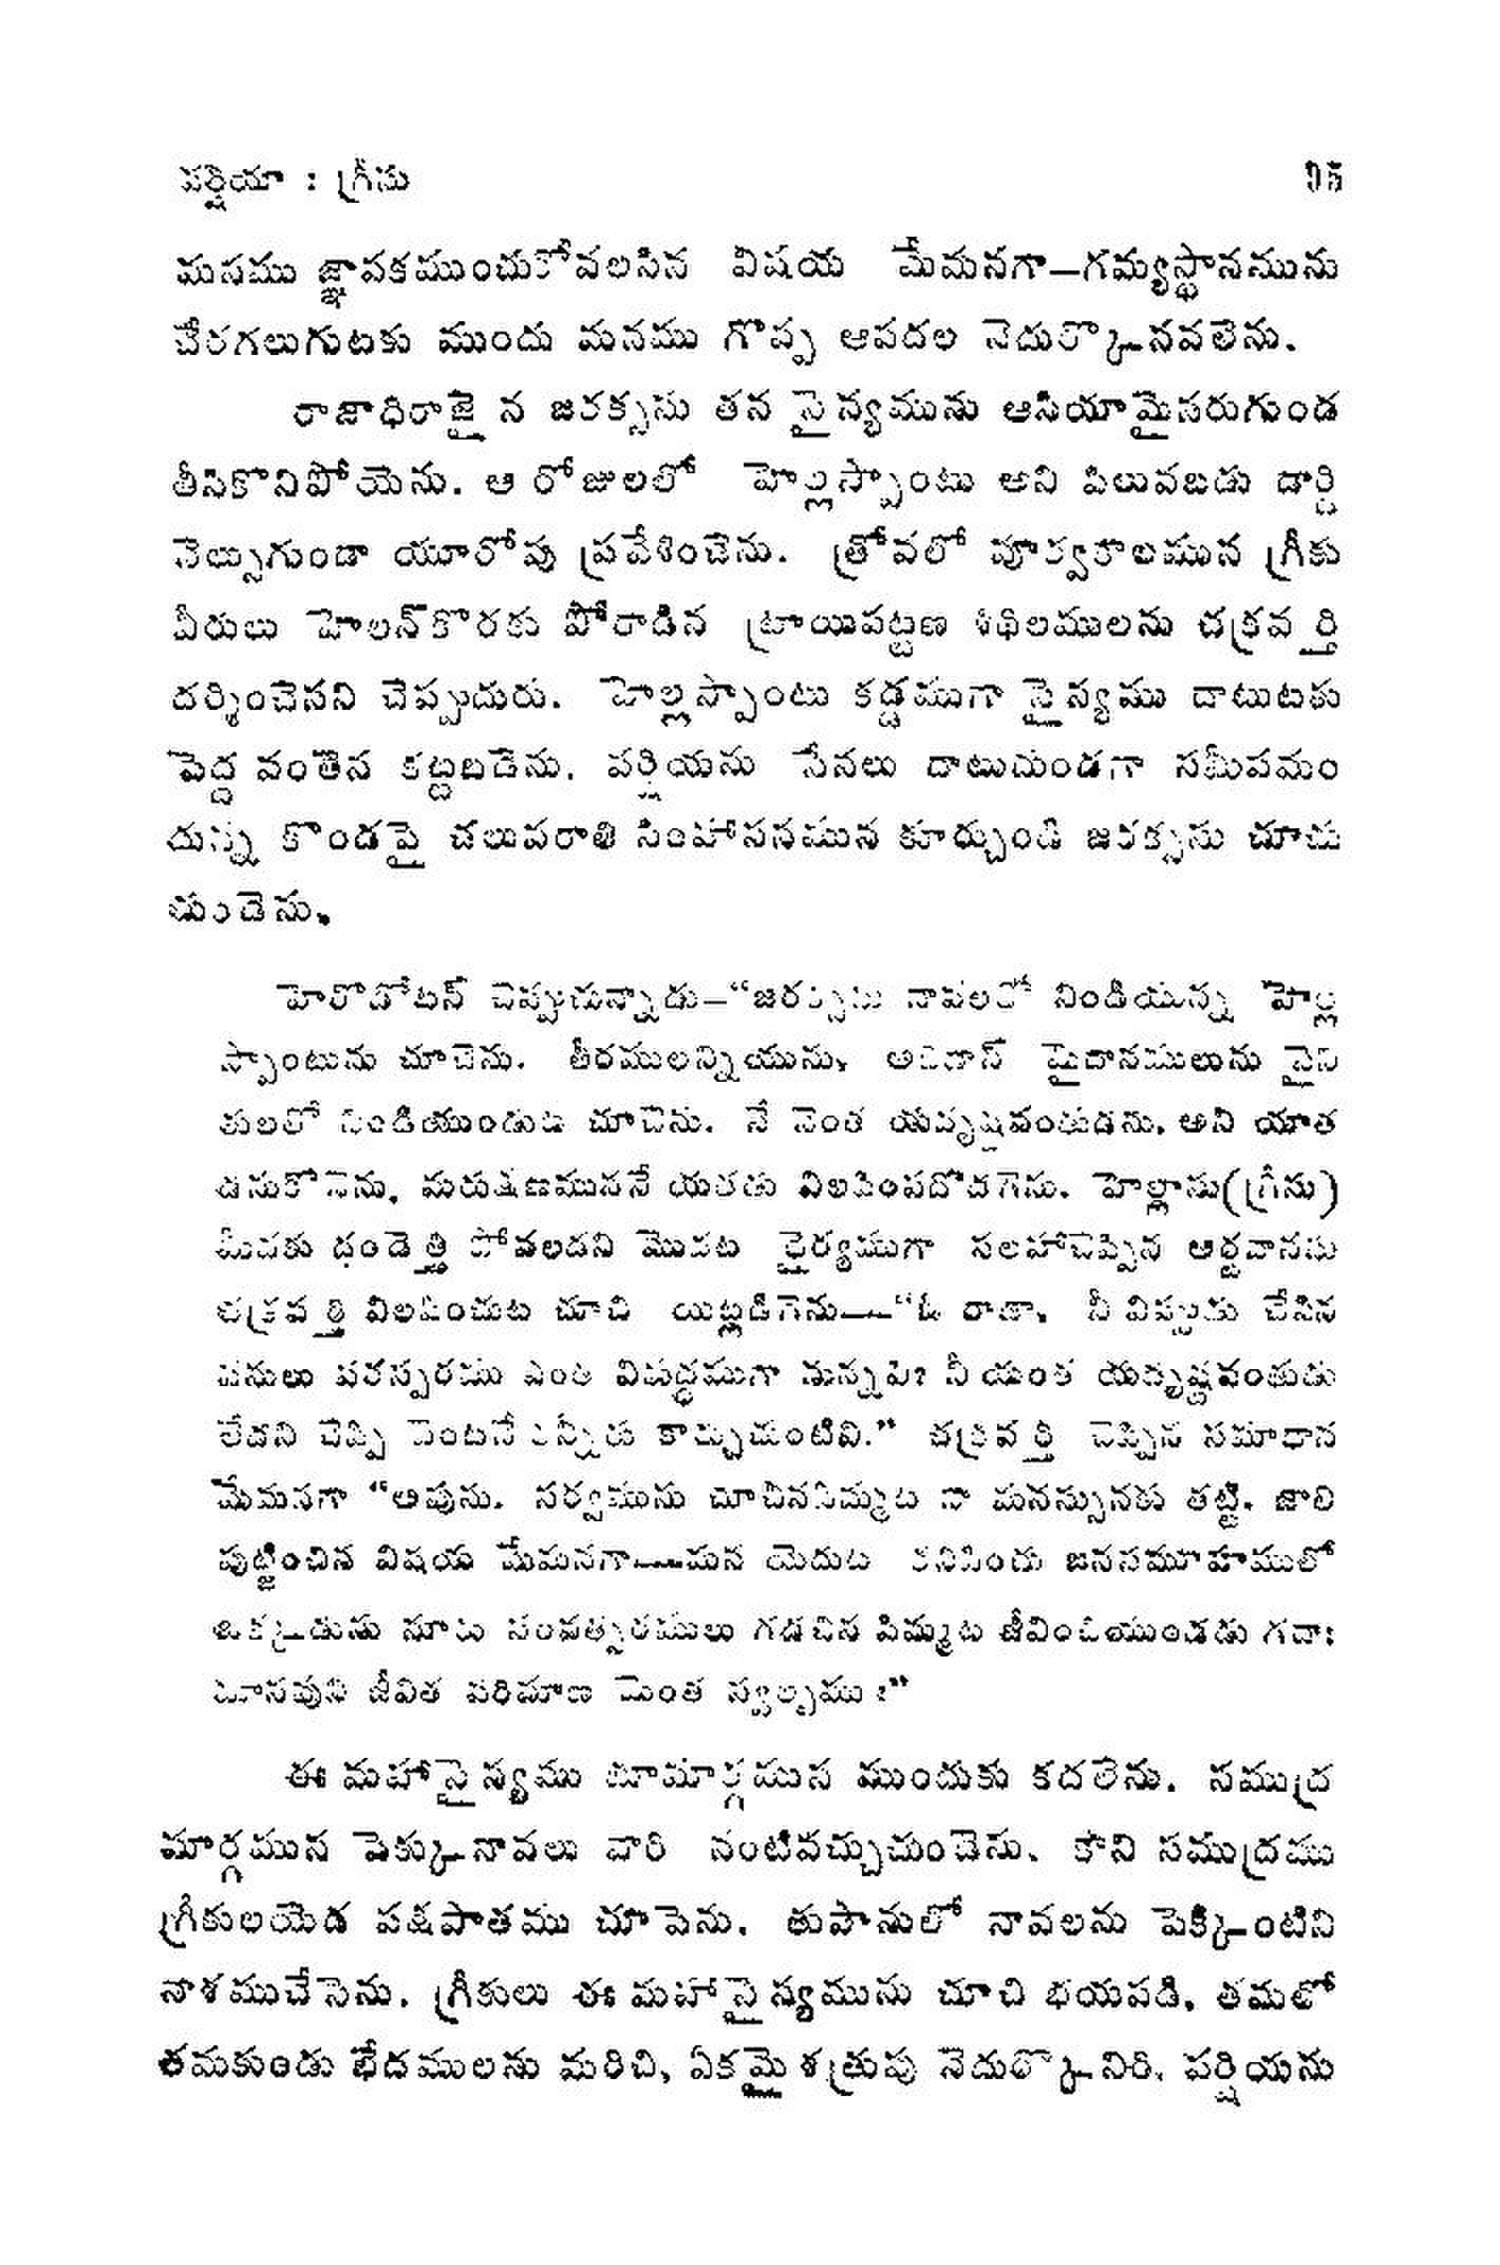మనము జ్ఞాపకముంచుకోవలసిన విషయ మేమనగా - గమ్యస్థానమును చేరగలుగుటకు ముందు మనము గొప్ప ఆవదల నెదుర్కొనవలేను.

రాజాధిరాజైన జరక్ససు తన సైన్యమును ఆసియా మైనరుగుండ తీసికొనిపోయేను. ఆ రోజులలో హెల్లస్పాంటు అని పిలువబడు డార్టినెల్సుగుండా యూరోపు ప్రవేశించెను. త్రోవలో పూర్వకాలమున గ్రీకు వీరులు హెలన్‌కొరకు పోరాడిన ట్రాయిపట్టణ శిథిలములను చక్రవర్తి దర్శించెనని చెప్పుదురు. హెల్లస్పాంటు కడ్డముగా సైన్యము దాటుటకు పెద్ద వంతెన కట్టబడెను. పర్షియను సేనలు దాటుచుండగా సమీపమందున్న కొండపై చలువరాతి సింహాసనమున కూర్చుండి జరక్ససు చూచు చుండెను,

హెరొడోటస్ చెప్పుచున్నాడు. "జరక్ససు నావలలో నిండియున్న హెల్లస్పాంటును చూచెను. తీరములన్నియును, అవాస్ మైదానములును సైనికులతో నిండియుండుట చూచెను. నే నెంత యదృష్టవంతుడను, అని యాతడనుకొనెను. మరుక్షణముననే యతడు విలపింపదొడగెను. హెల్లాను(గ్రీసు) మీదకు దండెత్తి పోవలదని మొదట ధైర్యముగా సలహాచెప్పిన ఆర్టవానసు చక్రవర్తి విలపించుట చూచి యిట్లడిగెను-- "ఓ. రాజా, నీ విప్పుడు చేసిన పనులు పరస్పరము ఎంత విరుద్ధముగా నున్నవి? నీ యంత యదృష్టవంతుడు లేడని చెప్పి వెంటనే కన్నీరు కార్చుచుంటివి." చక్రవర్తి చెప్పిన సమాధాన మేమనగా “అవును, సర్వమును చూచినపిమ్మట నా మనస్సునకు తట్టి, జాలి పుట్టించిన విషయ మేమనగా....మస యెదుట కనిపించు జనసమూహములో ఒక్కడును నూరు సంవత్సరములు గడచిన పిమ్మట జీవించియుండడు గదా? మానవుని జీవిత పరిమాణ మెంత స్వల్పము ! "

ఈ మహాసైన్యము భూమార్గముస ముందుకు కదలెను. సముద్ర మార్గమున పెక్కు నావలు వారి నంటివచ్చుచుండెను. కాని సముద్రము గ్రీకులయెడ పక్షపాతము చూపెను. తుపానులో నావలను పెక్కింటిని నాశముచేసెను. గ్రీకులు ఈ మహాసైన్యమును చూచి భయపడి, తమలో తమకుండు భేదములను మరిచి, ఏకమై శత్రుపు నెదుర్కొనిరి, పర్షియను